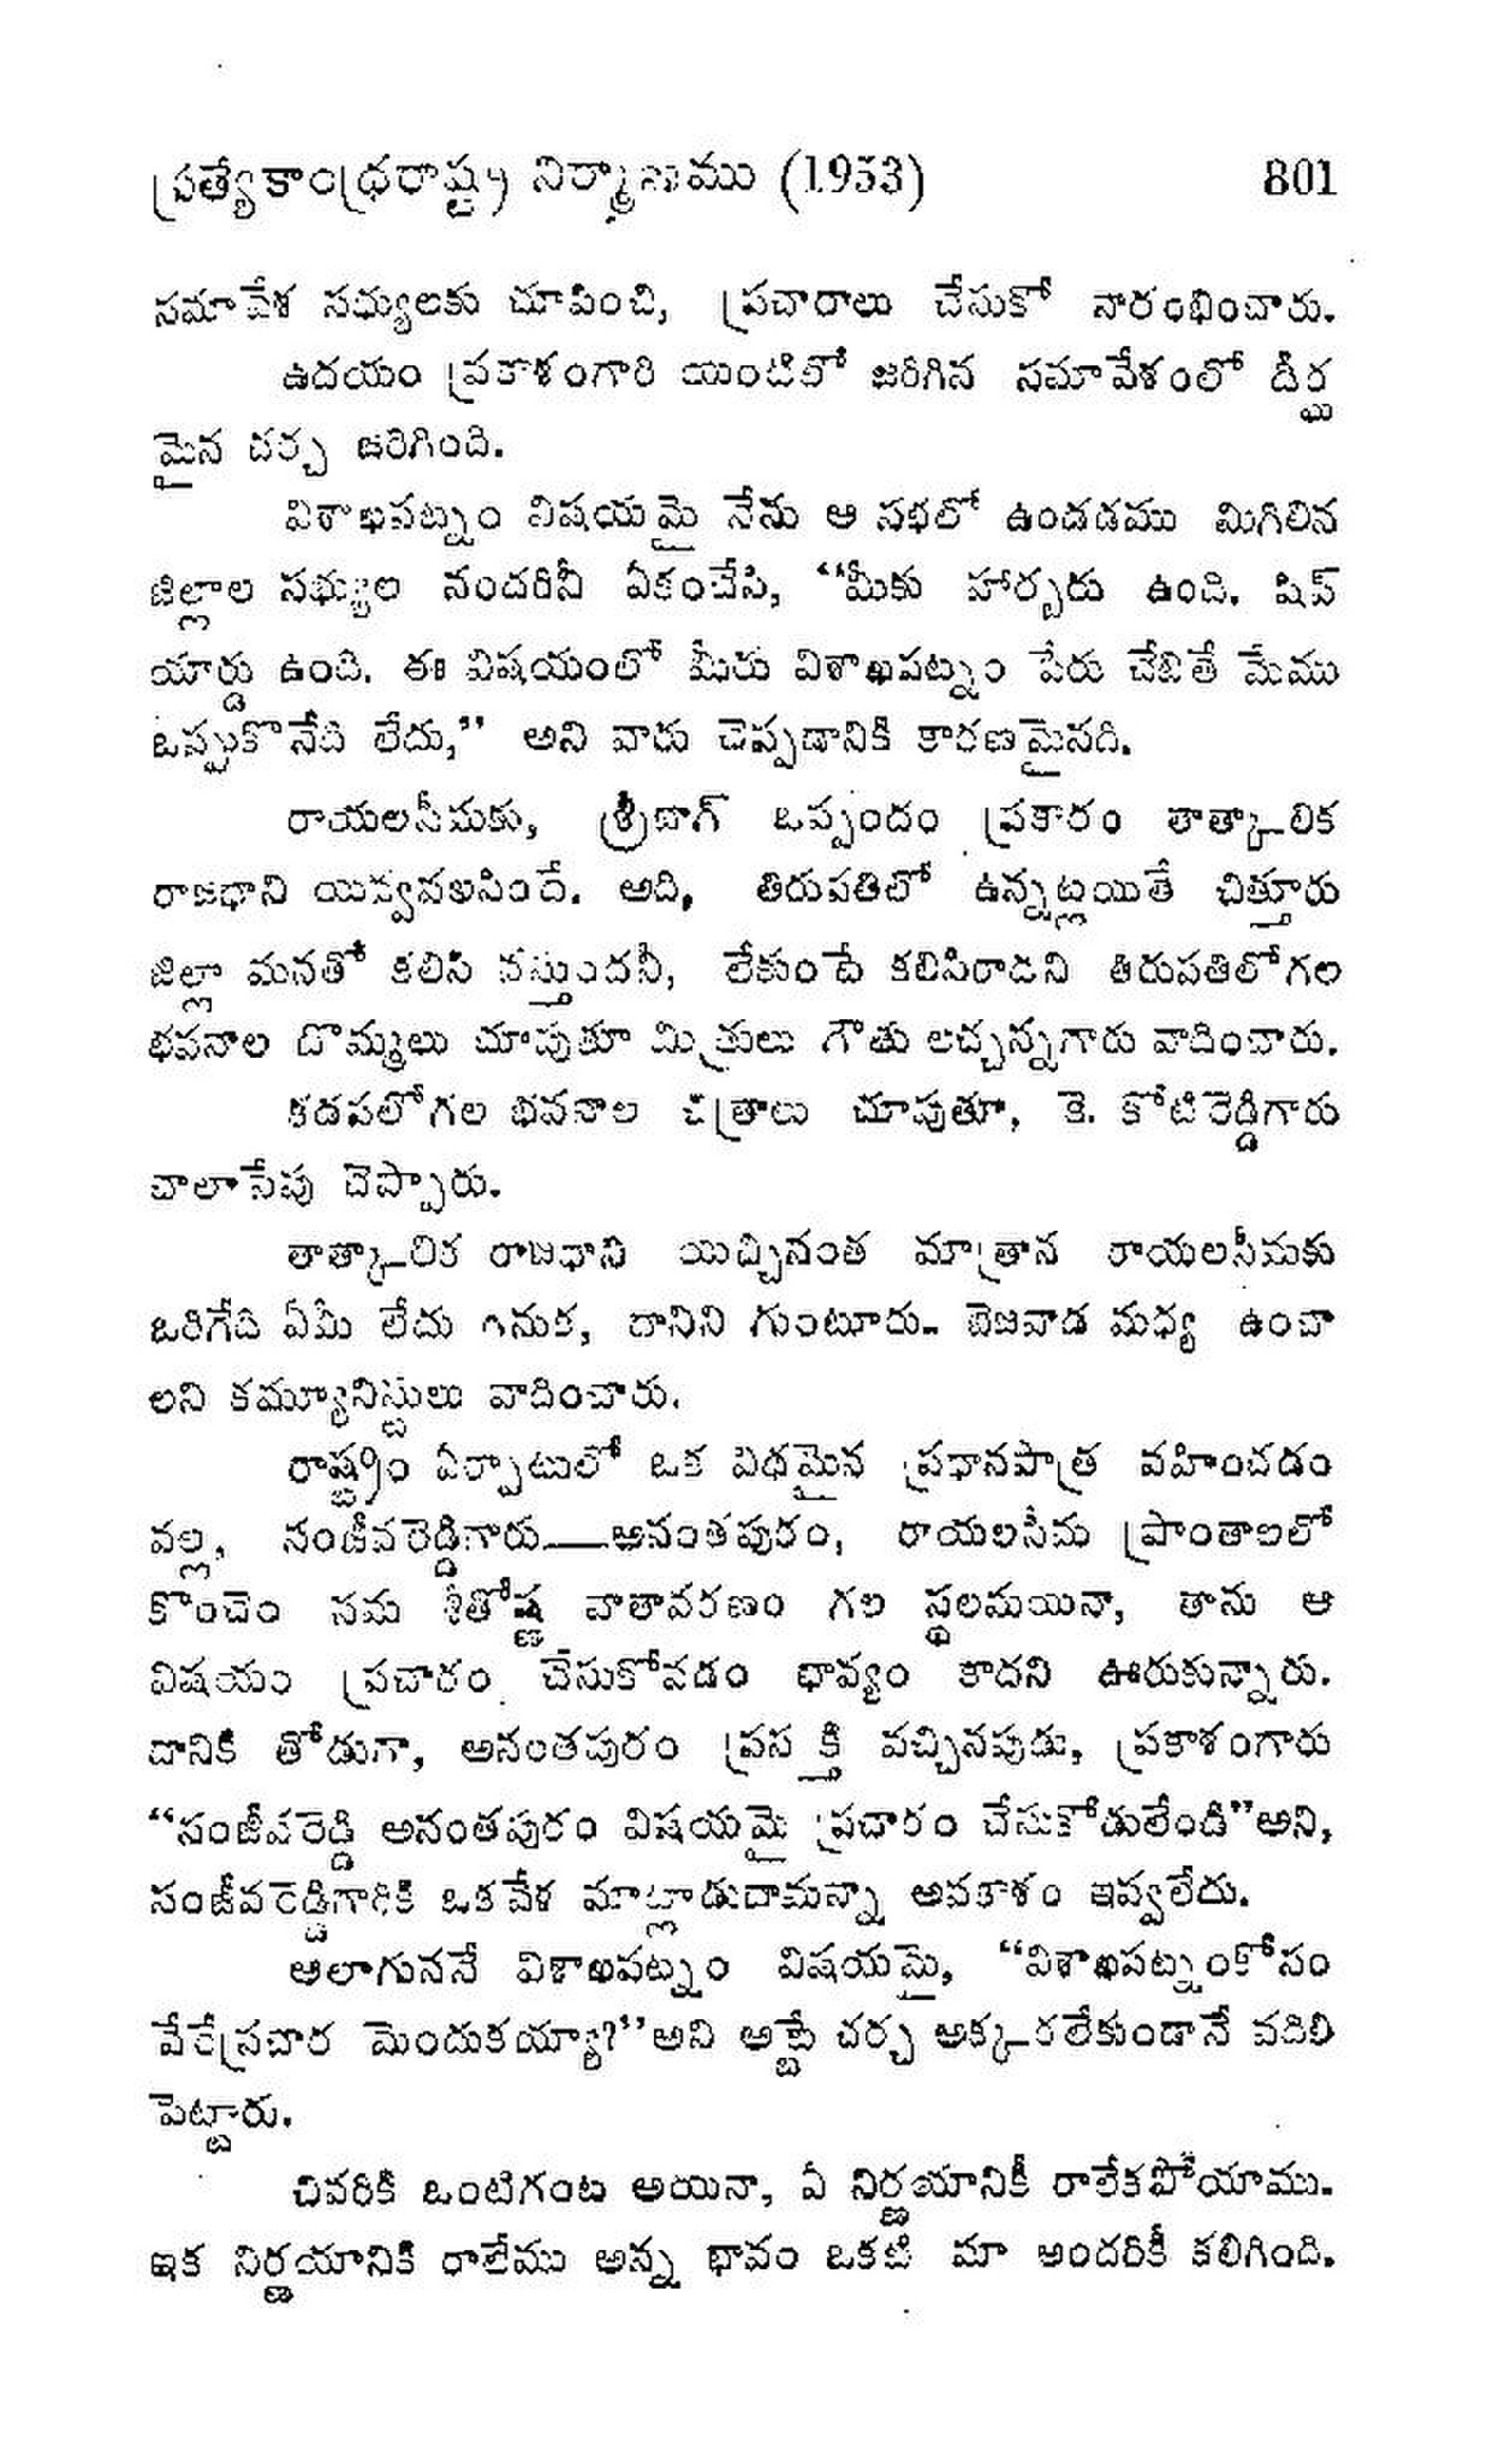సమావేశ సభ్యులకు చూపించి, ప్రచారాలు చేసుకో నారంభించారు.

ఉదయం ప్రకాశంగారి యింటిలో జరిగిన సమావేశంలో దీర్ఘమైన చర్చ జరిగింది.

విశాఖపట్నం విషయమై నేను ఆ సభలో ఉండడము మిగిలిన జిల్లాల సభ్యుల నందరినీ ఏకంచేసి, "మీకు హార్బరు ఉంది. షిప్ యార్డు ఉంది. ఈ విషయంలో మీరు విశాఖపట్నం పేరు చెబితే మేము ఒప్పుకొనేది లేదు," అని వారు చెప్పడానికి కారణమైనది.

రాయలసీమకు, శ్రీభాగ్ ఒప్పందం ప్రకారం తాత్కాలిక రాజధాని యివ్వవలసిందే. అది, తిరుపతిలో ఉన్నట్లయితే చిత్తూరు జిల్లా మనతో కలసి వస్తుందనీ, లేకుంటే కలిసిరాదని తిరుపతిలోగల భవనాల బొమ్మలు చూపుతూ మిత్రులు గౌతు లచ్చన్నగారు వాదించారు.

కడపలోగల భవనాల చిత్రాలు చూపుతూ, కె. కోటిరెడ్డిగారు చాలాసేపు చెప్పారు.

తాత్కాలిక రాజధాని యిచ్చినంత మాత్రాన రాయలసీమకు ఒరిగేది ఏమీ లేదు గనుక, దానిని గుంటూరు - బెజవాడ మధ్య ఉంచాలని కమ్యూనిస్టులు వాదించారు.

రాష్ట్రం ఏర్పాటులో ఒక విధమైన ప్రధానపాత్ర వహించడంవల్ల, సంజీవరెడ్డిగారు - అనంతపురం, రాయలసీమ ప్రాంతాలలో కొంచెం సమ శీతోష్ణ వాతావరణం గల స్థలమయినా, తాను ఆ విషయం ప్రచారం చేసుకోవడం భావ్యం కాదని ఊరుకున్నారు. దానికి తోడుగా, అనంతపురం విషయమై ప్రసక్తి వచ్చినపుడు, ప్రకాశంగారు "సంజీవరెడ్డి అనంతపురం విషయమై ప్రచారం చేసుకోడులేండి" అని, సంజీవరెడ్డిగారికి ఒకవేళ మాట్లాడుదామన్నా అవకాశం ఇవ్వలేదు.

ఆలాగుననే విశాఖపట్నం విషయమై, "విశాఖపట్నంకోసం వేరేప్రచార మెందుకయ్యా?" అని అట్టే చర్చ అక్కరలేకుండానే వదిలి పెట్టారు.

చివరికి ఒంటిగంట అయినా, ఏ నిర్ణయానికీ రాలేకపోయాము. ఇక నిర్ణయానికి రాలేము అన్న భావం ఒకటి మా అందరికీ కలిగింది.